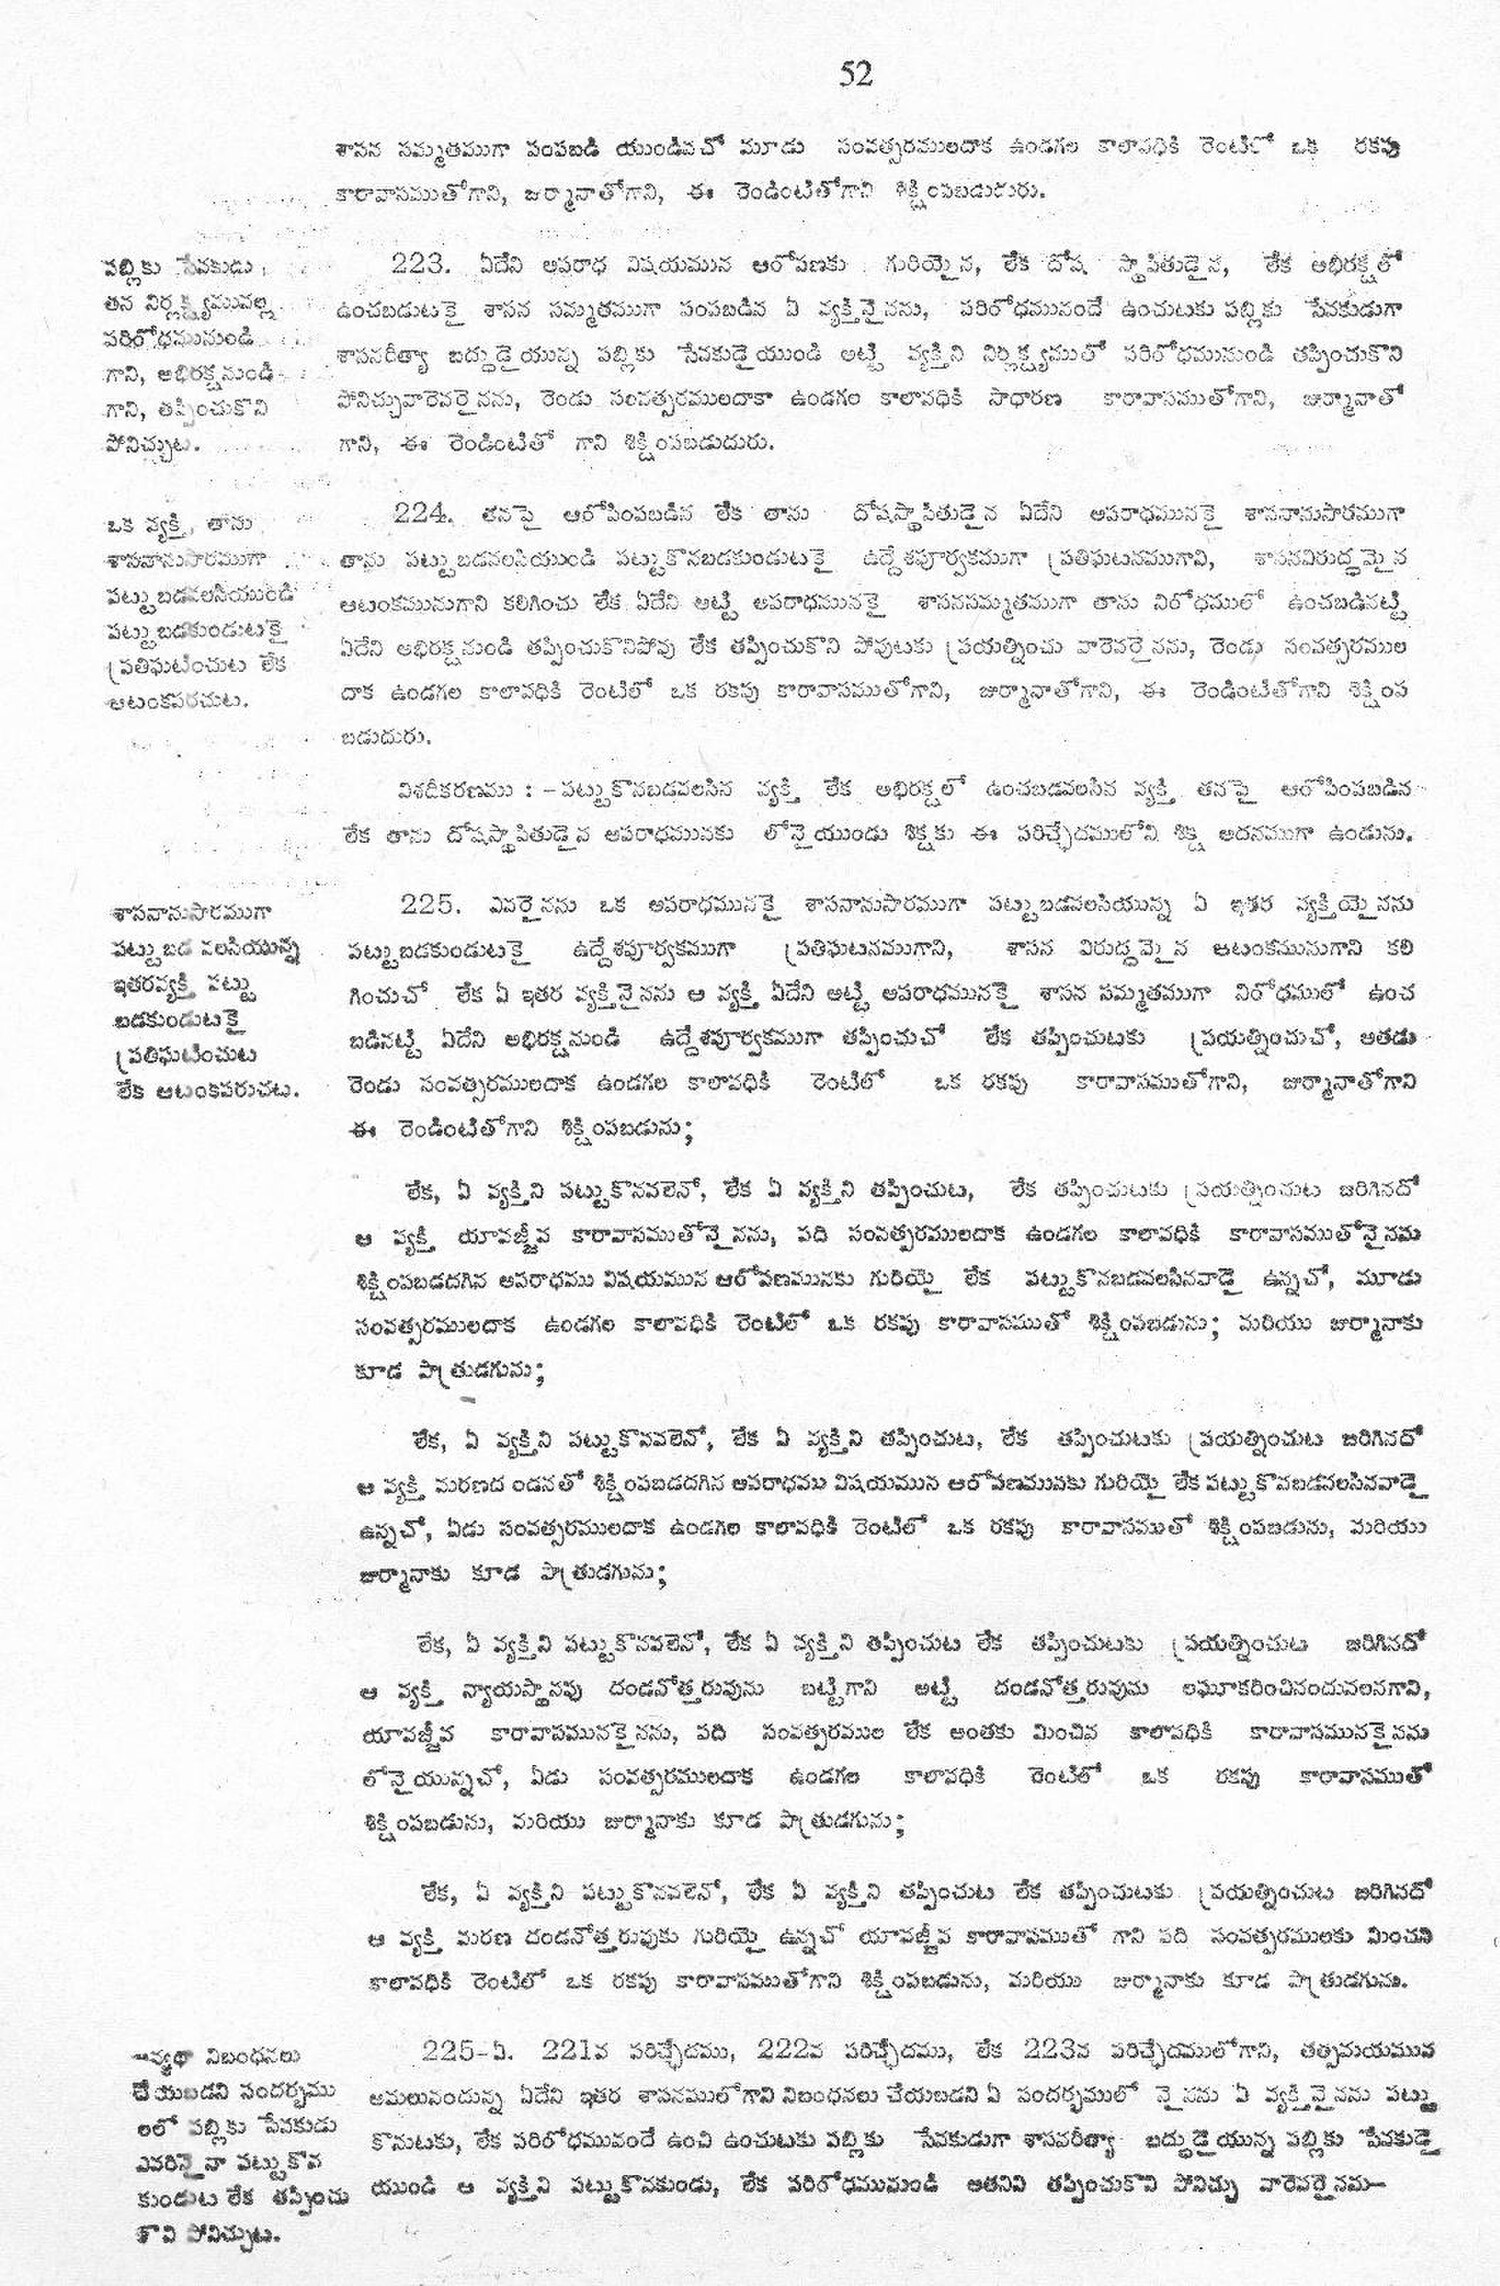శాసన సమ్మతముగా పంపబడి యుండిన చో మూడు సంవత్సరములదాక ఉండగల కాలావదికి రెంటిలో ఒక రకపు
కారావాసముతో గాని, జుర్మానాతోగాని, ఈ రెండింటితోగాని శిక్షింపబడుదురు.

పబ్లికు 'సేవకుడు తన నిర్లక్ష్యమువల్ల,పరిశొధమునుండి గాని, అభిరక్షనుండి గాని, తప్పించుకొని పోనిచ్చుట.

223. ఏదేని అపరాధ విషయమున ఆరోపణకు గురియైన, లేక దోష, స్థాపితుడైన, లేక ఆభిరక్షలో ఉంచబడుటకై శాసన సమ్మతముగా పంపబడిన ఏ వ్యక్తి నైనను, పరిశొధమునందే ఉంచుటకు పబ్లికు 'సేవకుడుగా . శాసన రీత్యా బద్దుడై యున్న పబ్లికు సేవకుడై యుండి అట్టి వ్యక్తిని నిర్లక్ష్యముతొ పరిశొధము నుండి తప్పించుకొని పోనిచ్చువారెవరైనను, రెండు సంవత్సరములదాకా ఉండగల కాలావధికి సాధారణ
కారావాసముతోగాని, జుర్మానాతొ గాని, ఈ రెండింటితో గాని శిక్షింపబడుదురు.

ఒక వ్యక్తి శాసనానుసారముగా పట్టుబడవలసియుండి పట్టుబడకుండుటకై ప్రతిఘటించుట లేక ఆటంకపరచుట,

224. తనపై ఆరోపింపబడిన లేక తాను దోష స్టాపితుడైన ఏదేని అపరాధమునకై శాసనానుసారముగాతాను పట్టు బడవలసియుండి పట్టు కొనబడకుండుటకై ఉద్దేశపూర్వకముగా ప్రతిఘటనముగాని, శాసనవిరుద్ధమైన ఆటంకమునుగాని కలిగించు లేక ఏదేని అట్టి ఆపరాధమునకై శాసనసమ్మతముగా తాను నిరోధములో ఉంచబడినట్టి ఏదేని అభిరక్ష నుండి తప్పించుకొనిపోవు లేక తప్పించుకొని పోపుటకు ప్రయత్నించు వారెవరైనను, రెండు సంవత్సరముల దాక ఉండగల కాలావధికి రెంటిలో ఒక రకపు కారావాసముతోగాని, జూర్మానాతోగాని, ఈ రెండింటితోగాని శిక్షింప బడుదురు,

విశదీకరణము : - పట్టు కొనబడవలసిన వ్యక్తి లేక అభిరక్షలో ఉంచబడవలసిన వ్యక్తి తన పై ఆరోపింపబడిన లేక తాను దోష స్ఠాపితుడైన అపరాధమునకు లోనై యుండు శిక్షకు ఈ పరిచ్ఛేదములోని, శిక్ష అదనముగా ఉండును.

శాసవానుసారముగా పట్టుబడ వలసియున్న ఇతర వ్యక్తి పట్టు బడకుండుటకై ప్రతిఘటించుట లేక ఆటంకపరుచుట.

225. ఎవరైనను ఒక అపరాధమునకై శాసనానుసారముగా పట్టు బడవలసియున్న ఏ ఇతర వ్యక్తి యైనను పట్టుబడకుండుటకై ఉద్దేశపూర్వకముగా ప్రతిఘటనముగాని, శాసన విరుద్ధమైన ఆటంకమునుగాని కలి గించుచో, లేక ఏ ఇతర వ్యక్తి నైనను ఆ వ్యక్తి ఏదేని అట్టి అపరాధమునకై శాసన సమ్మతముగా నిరోధములో ఉంచబడినట్టి ఏదేని అభిరక్ష నుండి ఉద్దేశపూర్వకముగా తప్పించుచో లేక తప్పించుటకు ప్రయత్నించుచో, అతడు రెండు సంవత్సరములదాక ఉండగల కాలావధికి రెంటిలో ఒక రకపు కారావాసముతోగాని, జూర్మానాతోగాని ఈ రెండింటితో గాని శిక్షింపబడును;

లేక, ఏ వ్యక్తిని పట్టుకొనవలెనో, లేక ఏ వ్యక్తిని తప్పించుట, లేక తప్పించుటకు ప్రయత్నించుట జరిగినదో ఆ వ్యక్తి యావజ్జీవ కారావాసముతోనై నను, పది సంవత్సరములదాక ఉండగల కాలావధికి కారావాసముతోనై నను శిక్షింపబడదగిన అపరాధము విషయమున ఆరోపణమునకు గురియై లేక పట్టుకొనబడవలసినవాడై ఉన్న చో, మూడు సంవత్సరములదాక ఉండగల కాలావధికి రెంటిలో ఒక రకపు కారావాసముతో శిక్షింపబడును; మరియు జూర్మానాకు కూడ పాత్రుడగును;

లేక, ఏ వ్యక్తిని పట్టు కొనవలెనో, లేక ఏ వ్యక్తిని తప్పించుట, లేక తప్పించుటకు ప్రయత్నించుట జరిగినదొ ఆ వ్యక్తి మరణదండనతో శిక్షింపబడదగిన ఆసరాధము విషయమున ఆరోపణమునకు గురియై లేక పట్టు కొనబడనలసినవాడై, ఉన్నచో, ఏడు సంవత్సరములదాక ఉండగల కాలావధికి రెంటిలో ఒక రకపు కారావాసముతో శిక్షింపబడును, మరియు జూర్మానాకు కూడ పాత్రుడగును;

లేక, ఏ వ్యక్తిని పట్టు కొనవలెనో, లేక ఏ వ్యక్తిని తప్పించుట లేక తప్పించుటకు ప్రయత్నించుట జరిగినదో ఆ వ్యక్తి న్యాయస్థానపు దండనోత్త
రువును బట్టి గాని అట్టి దండనోత్త రువును లఘాకరించినందువలనగాని, యావజ్జీవ కారావాసమునకైనను, పది సంవత్సరముల లేక అంతకు మించిన కాలావధికి కారావాసమునకై నను లోనై యున్నచో, ఏడు సంవత్సరములదాక ఉండగల కాలావధికి రెంటిలో ఒక రకపు
కారావాసముతో శిక్షింపబడును, మరియు జుర్మానాకు కూడ పాత్రుడగును;

లేక, ఏ వ్యక్తిని పట్టుకొనవలెనో, లేక ఏ వ్యక్తిని తప్పించుట లేక తప్పించుటకు ప్రయత్నించుట జరిగినదో ఆ వ్యక్తి మరణ దండనోత్త రుపుకు గురియై ఉన్న చో యావజ్జీవ కారావాసముతో గాని పది సంవత్సరములకు మించని కాలావధికి రెంటిలో ఒక రకపు కారావాసముతోగాని శిక్షింపబడును, మరియు జుర్మానాకు కూడ పాత్రుడగును

అన్యధా నిబంధనలు చేయబడని సందర్భము లలో పబ్లికు సేవకుడు ఎవరినైనా పట్టుకోనకుండుట లేక తప్పించు కొని పోనిచ్చుట.

225-5. 221వ పరిచ్ఛేదము, 222వ పరిచ్ఛేదము, 'లేక 223న పరిచ్ఛేదములో గాని, తత్సమయమున అమలునందున్న ఏదేని ఇతర శాసనములో గాని నిబంధనలు చేయబడని ఏ సందర్భములో నైనను ఏ వ్యక్తి నై నను పట్టు కొనుటకు, లేక పరిశొధమునందే ఉంచి ఉంచుటకు పబ్లికు సేవకుడుగా శాసవరీత్యా బద్దుడై యున్న పబ్లికు సేవకుడై యుండి ఆ వ్యక్తిని పట్టు కొనకుండు, లేక పరిశొధమునుండి అతనిని తప్పించుకొని పోనిచ్చు వారెవరై నను-